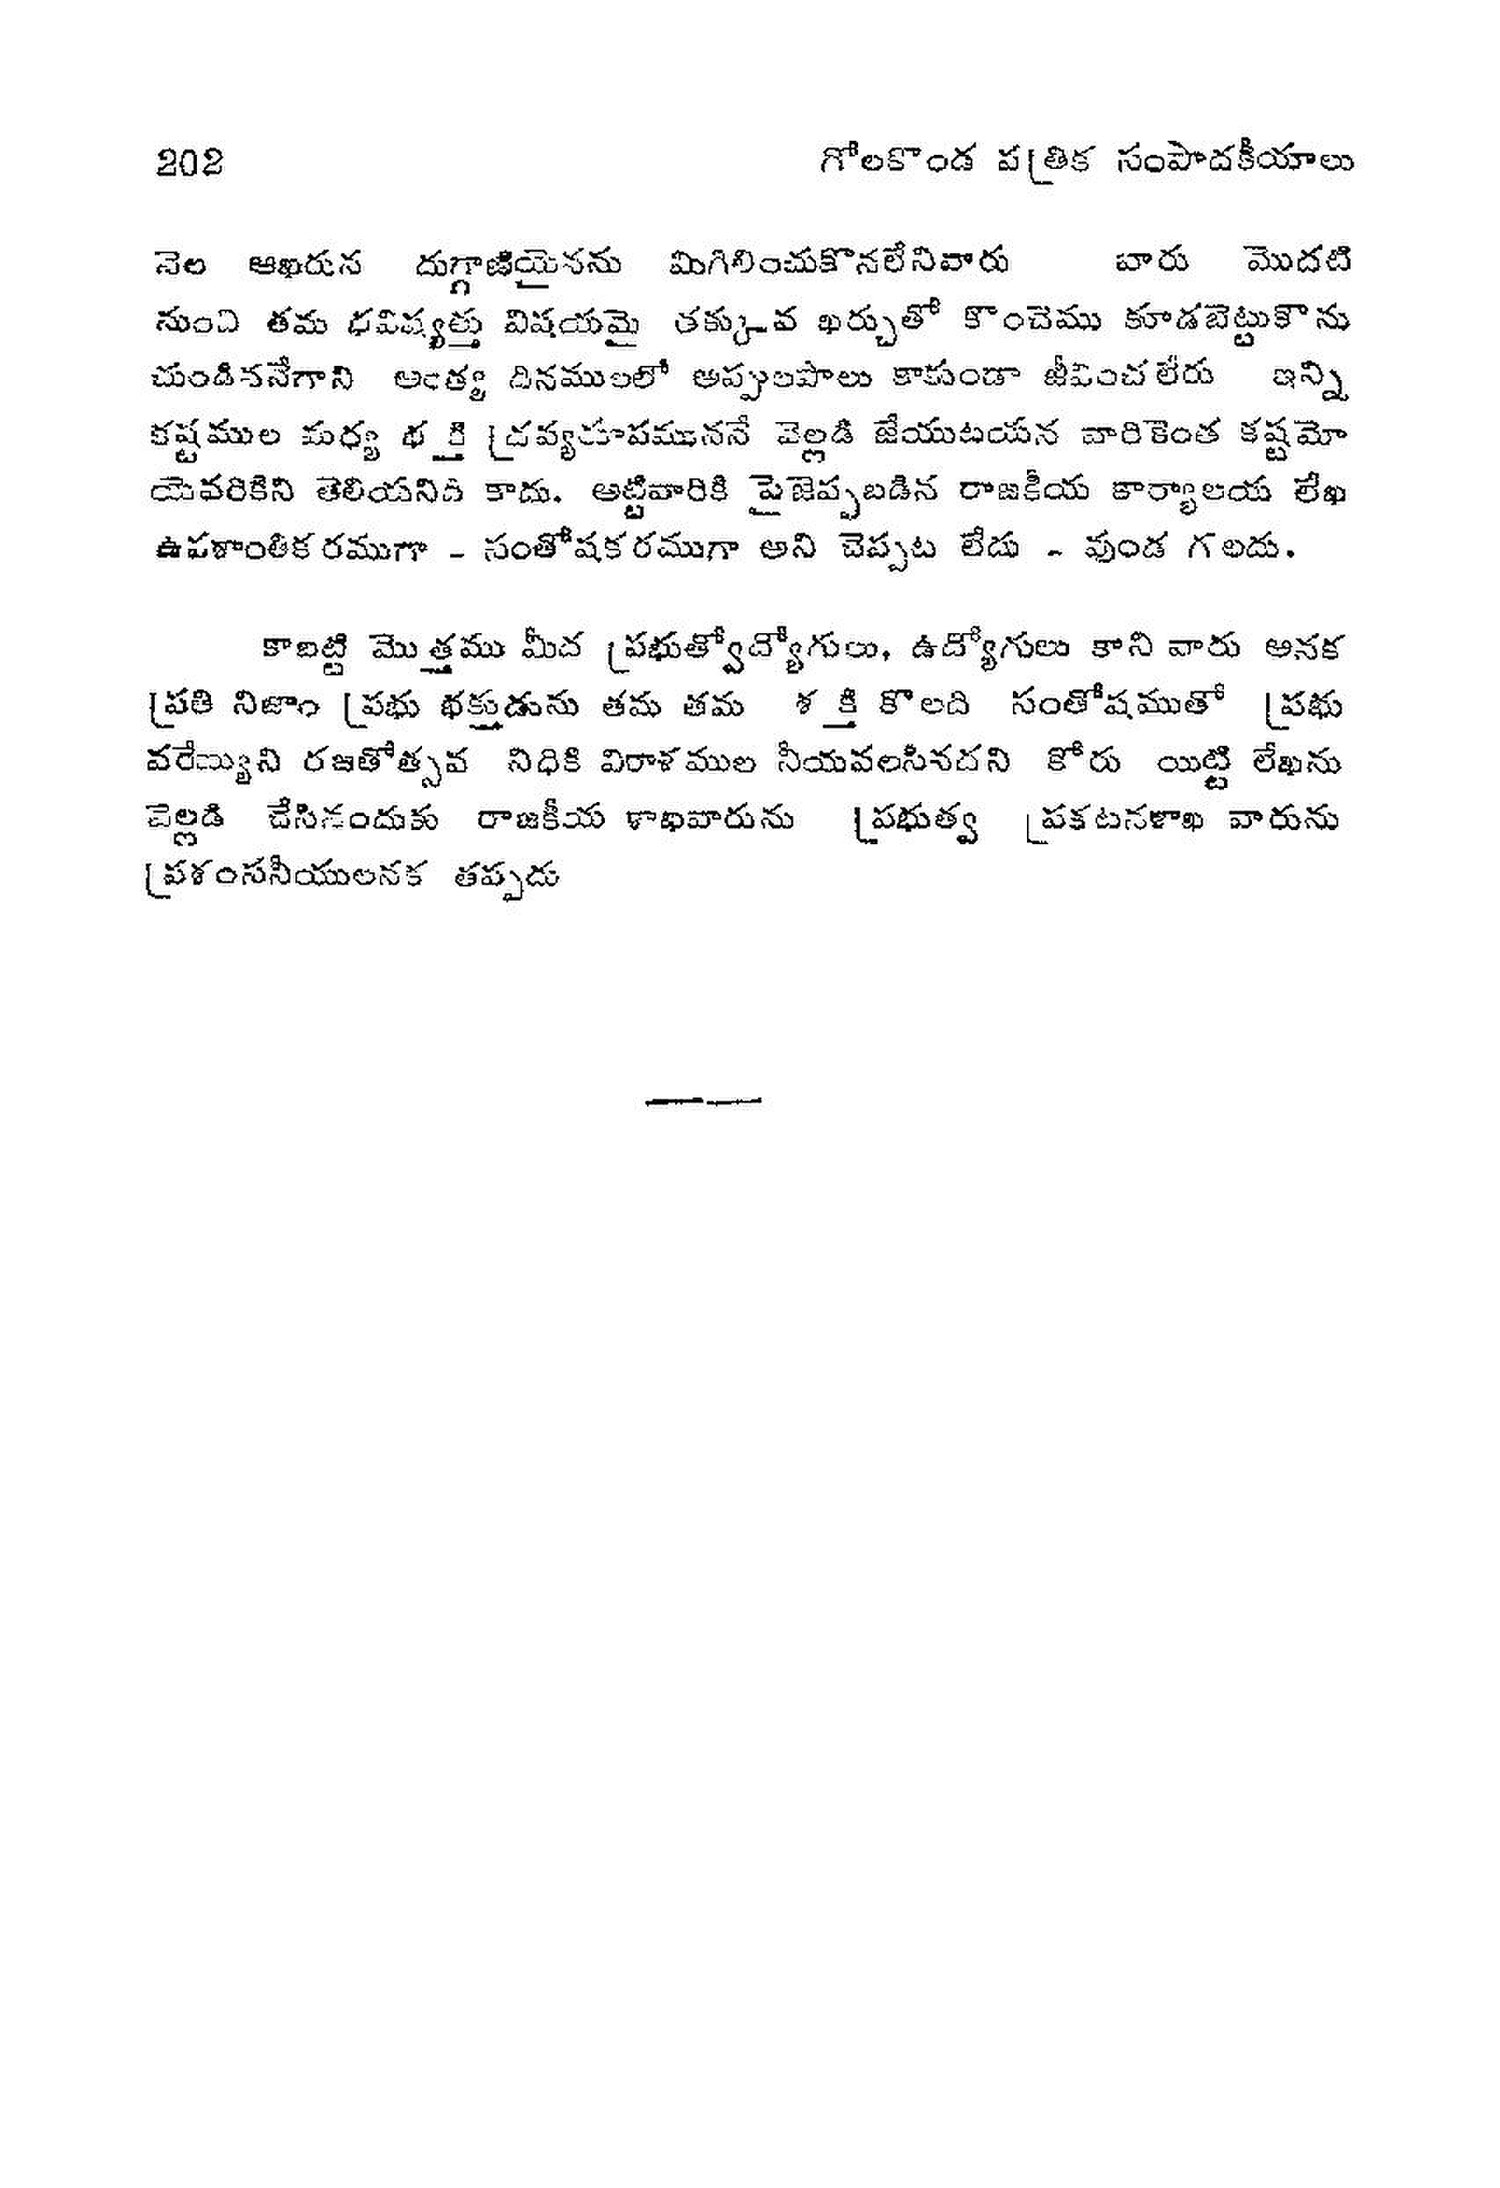నెల ఆఖరున దుగ్గాణియైనను మిగిలించుకొనలేనివారు వారు మొదటినుంచి తమ భవిష్యత్తు విషయమై తక్కువ ఖర్చుతో కొంచెము కూడబెట్టుకొను చుండిననేగాని అంత్య దినములలో అప్పులపాలు కాకుండా జీవించలేరు ఇన్ని కష్టముల మధ్య భక్తి ద్రవ్యరూపముననే వెల్లడి జేయుటయన వారికెంత కష్టమో యెవరికిని తెలియనిది కాదు. అట్టివారికి పైజెప్పబడిన రాజకీయ కార్యాలయ లేఖ ఉపశాంతికరముగా - సంతోషకరముగా అని చెప్పట లేదు - వుండ గలదు.

కాబట్టి మొత్తము మీద ప్రభుత్వోద్యోగులు, ఉద్యోగులు కాని వారు అనక ప్రతి నిజాం ప్రభు భక్తుడును తమ తమ శక్తి కొలది సంతోషముతో ప్రభువరేణ్యుని రజతోత్సవ నిధికి విరాళముల నీయవలసినదని కోరు యిట్టి లేఖను వెల్లడి చేసినందుకు రాజకీయ శాఖవారును ప్రభుత్వ ప్రకటనశాఖ వారును ప్రశంసనీయులనక తప్పదు